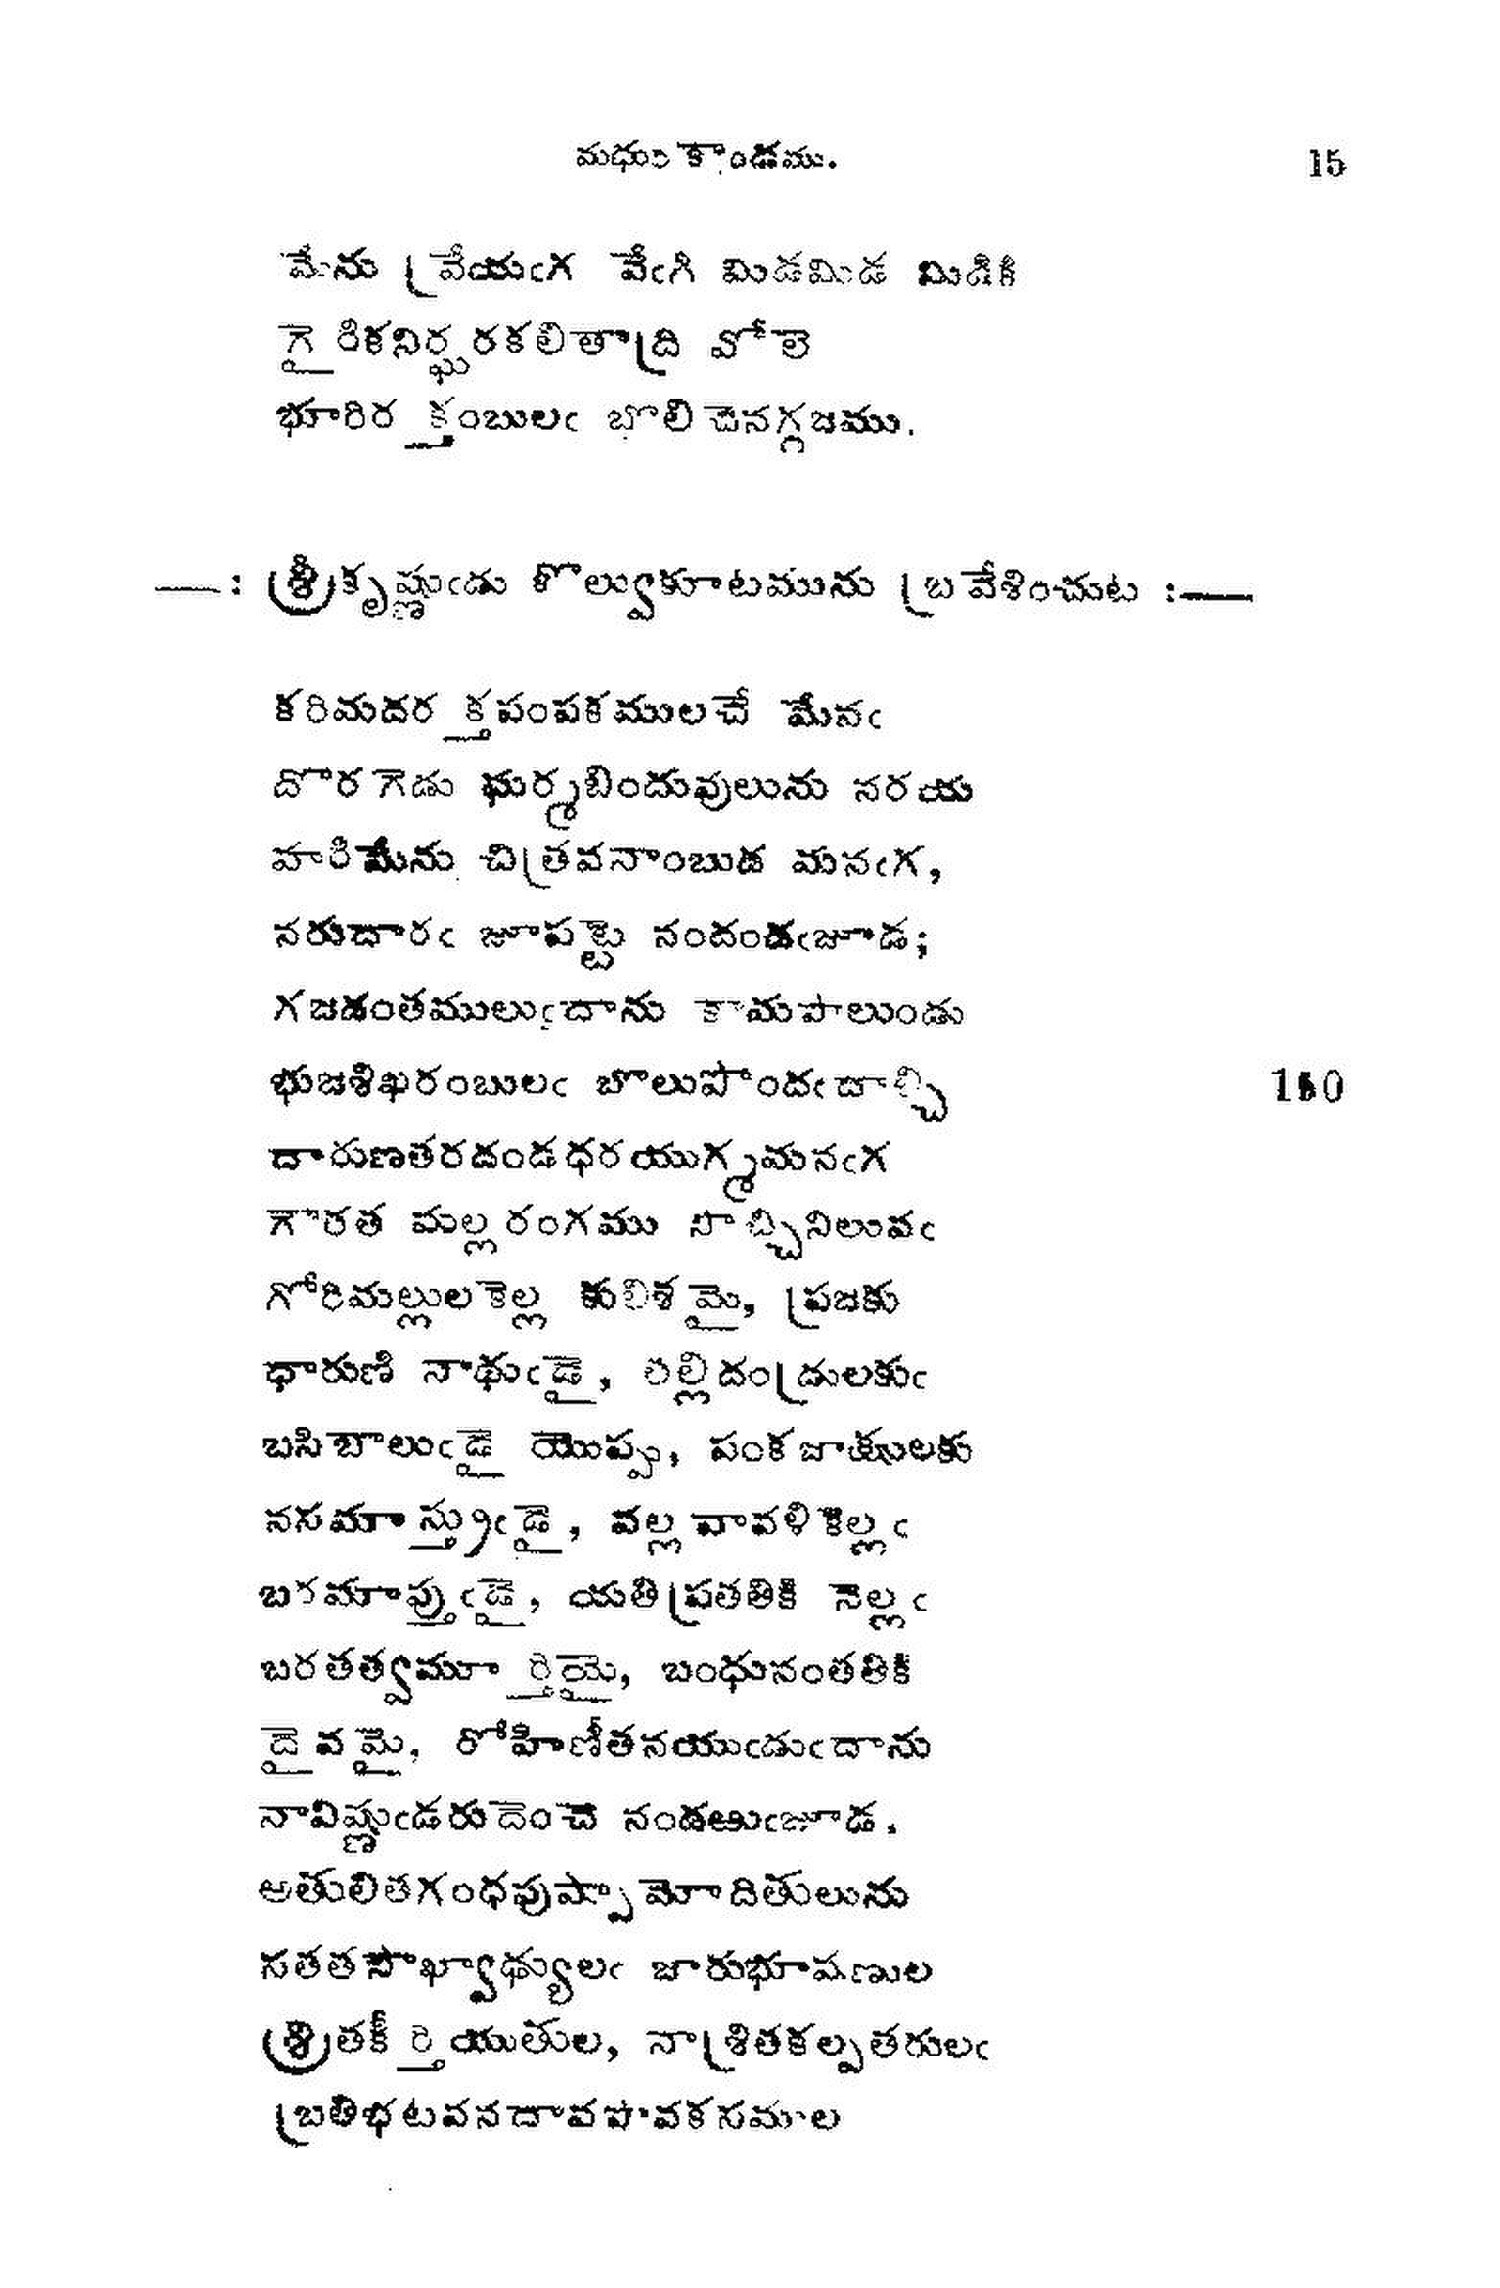మేను వ్రేయఁగ వేఁగి మిడమిడ మిడికి
గైరికనిర్ఘరకలితాద్రి వోలె
భూరిరక్తంబులఁ బొలిచె నగ్గజము.

కరిమదరక్తపంపకములచే మేనఁ
దొరగెడు ఘర్మబిందువులును నరయ
హరిమేను చిత్రవనాంబుద మనఁగ,
నరుదారఁ జూపట్టె నందందఁ జూడ;
గజగంతములుఁ దాను కామపాలుండు
భుజశిఖరంబులఁ బొలుపొందఁ దాల్చి
దారుణతరదండధరయుగ్మ మనఁగ
గౌరత మల్లరంగము సొచ్చి నిలువ
గోరిమల్లులకెల్ల కులిశమై, ప్రజకు
ధారుణినాథుఁడై, తల్లిదండ్రులకు
బసిబాలుఁడై యొప్పు, పంకజాక్షులకు
నసమాస్త్రుఁడై, వల్లవావళికెల్లఁ
బరమాప్తుఁడై, యతిప్రతతికి నెల్లఁ
బరతత్వమూర్తియై, బంధుసంతతికి
దైవమై, రోహిణీతనయుఁడుఁ దాను
నావిష్ణుఁ డరుదెంచె నండఱుఁ జూడ.
అతులితగంధపుష్పామోదితులును
సతతసౌఖ్వాఢ్యులఁ జారుభూషణుల
శ్రితకీర్తియుతుల, నాశ్రితకల్పతరులఁ
బ్రతిభటవనదావపావకసముల